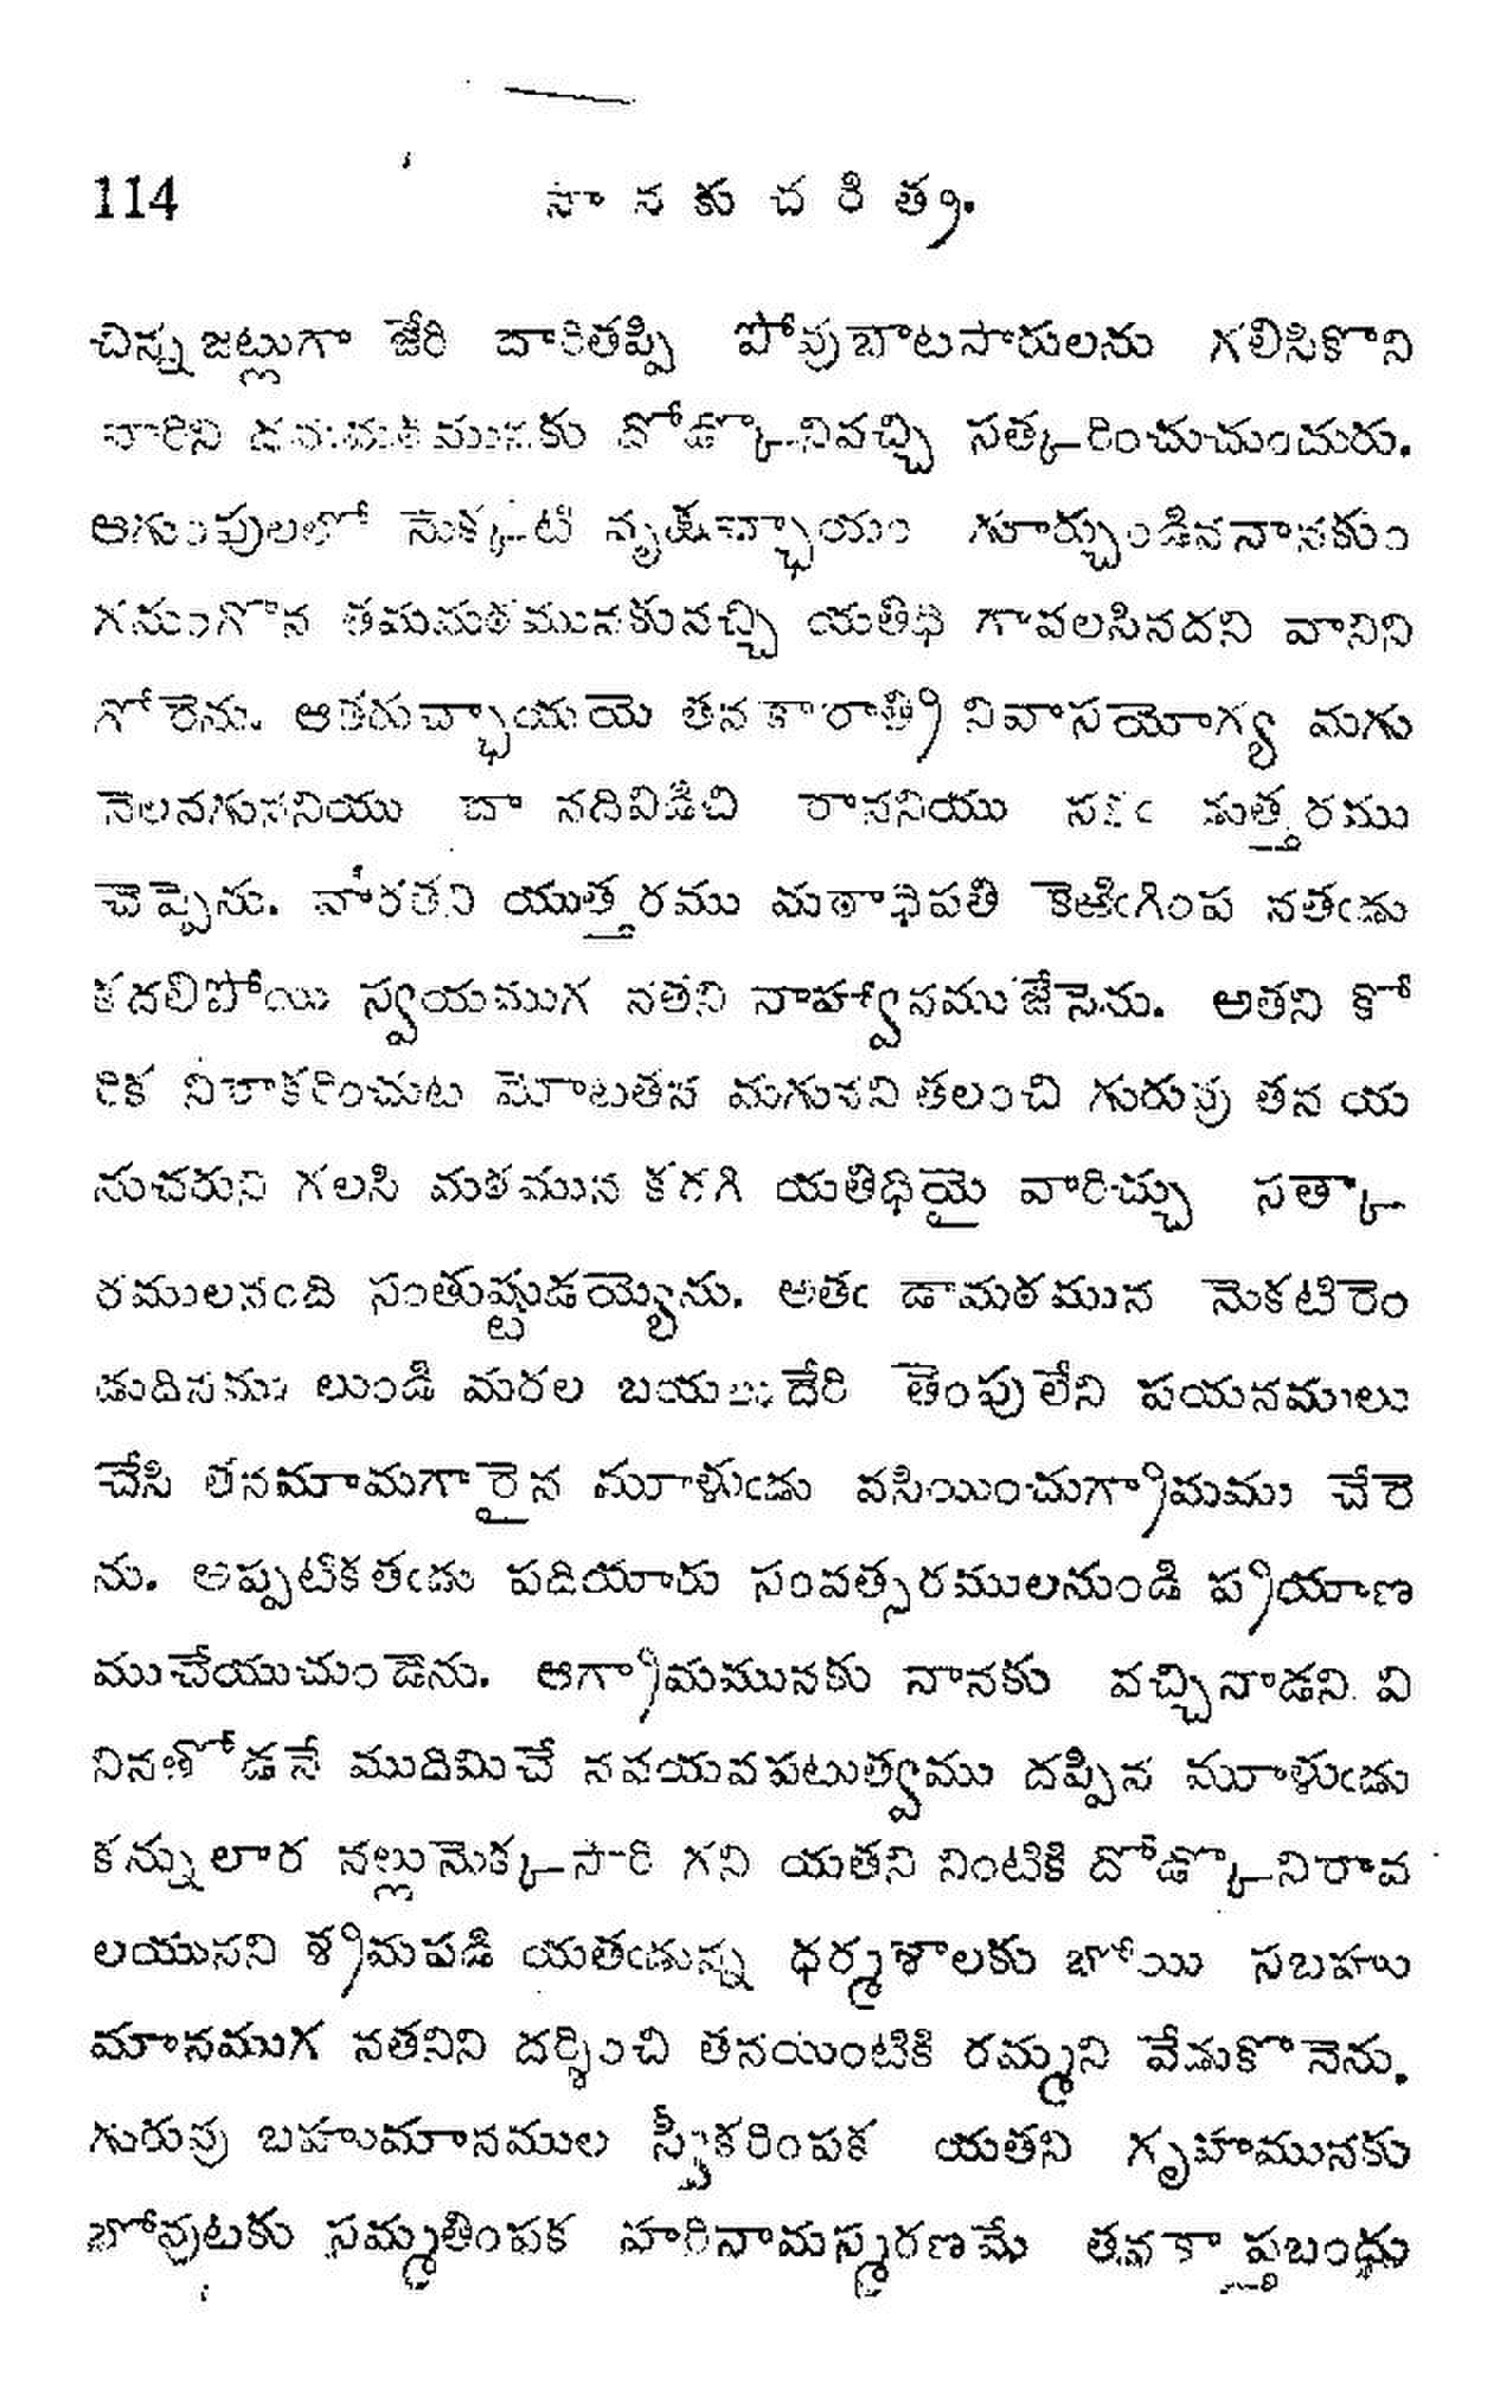చిన్నజట్లుగా జేరి దారితప్పి పోవుబాటసారులను గలిసికొని వారిని దమమఠమునకు దోడ్కొనివచ్చి సత్కరించుచుందురు. ఆగుంపులలో నొక్కటి వృక్షచ్ఛాయం గూర్చుండిననానకుం గనుంగొన తమమఠమునకువచ్చి యతిథి గావలసినదని వానిని గోరెను. ఆతరుచ్ఛాయయె తన కారాత్రి నివాసయోగ్య మగు నెలవగుననియు దా నదివిడిచి రాననియు నతం డుత్తరము చెప్పెను. వారతని యుత్తరము మఠాధిపతి కెఱిగింప నతడు కదలిఫొయి స్వయముగ నతని నాహ్వానము జేసెను. అతని కోరిక నిరాకరించుట మోటతన మగునని తలంచి గురువు తన యనుచరుని గలసి మఠమున కరగి యతిధియై వారిచ్చు సత్కారములనంది సంతుష్టుడయ్యెను. అత డామఠమున నొకటిరెండుదినము లుండి మరల బయలుదేరి తెంపులేని పయనములు చేసి తనమామగారైన మూళుడు వసియించుగ్రామము చేరెను. అప్పటికతడు పదియారు సంవత్సరములనుండి ప్రయాణముచేయుచుండెను. ఆగ్రామమునకు నానకు వచ్చినాడని వినినతోడనే ముదిమిచే నవయవపటుత్వము దప్పిన మూళుడు కన్నులార నల్లునొక్కసారి గని యతని నింటికి దోడ్కొనిరావలయునని శ్రమపడి యతడున్న ధర్మశాలకు బోయి సబహు మానముగ నతనిని దర్శించి తనయింటికి రమ్మని వేడుకొనెను. గురువు బహుమానముల స్వీకరింపక యతని గృహమునకు బోవుటకు సమ్మతింపక హరినామస్మరణమే తనకాప్తబంధు